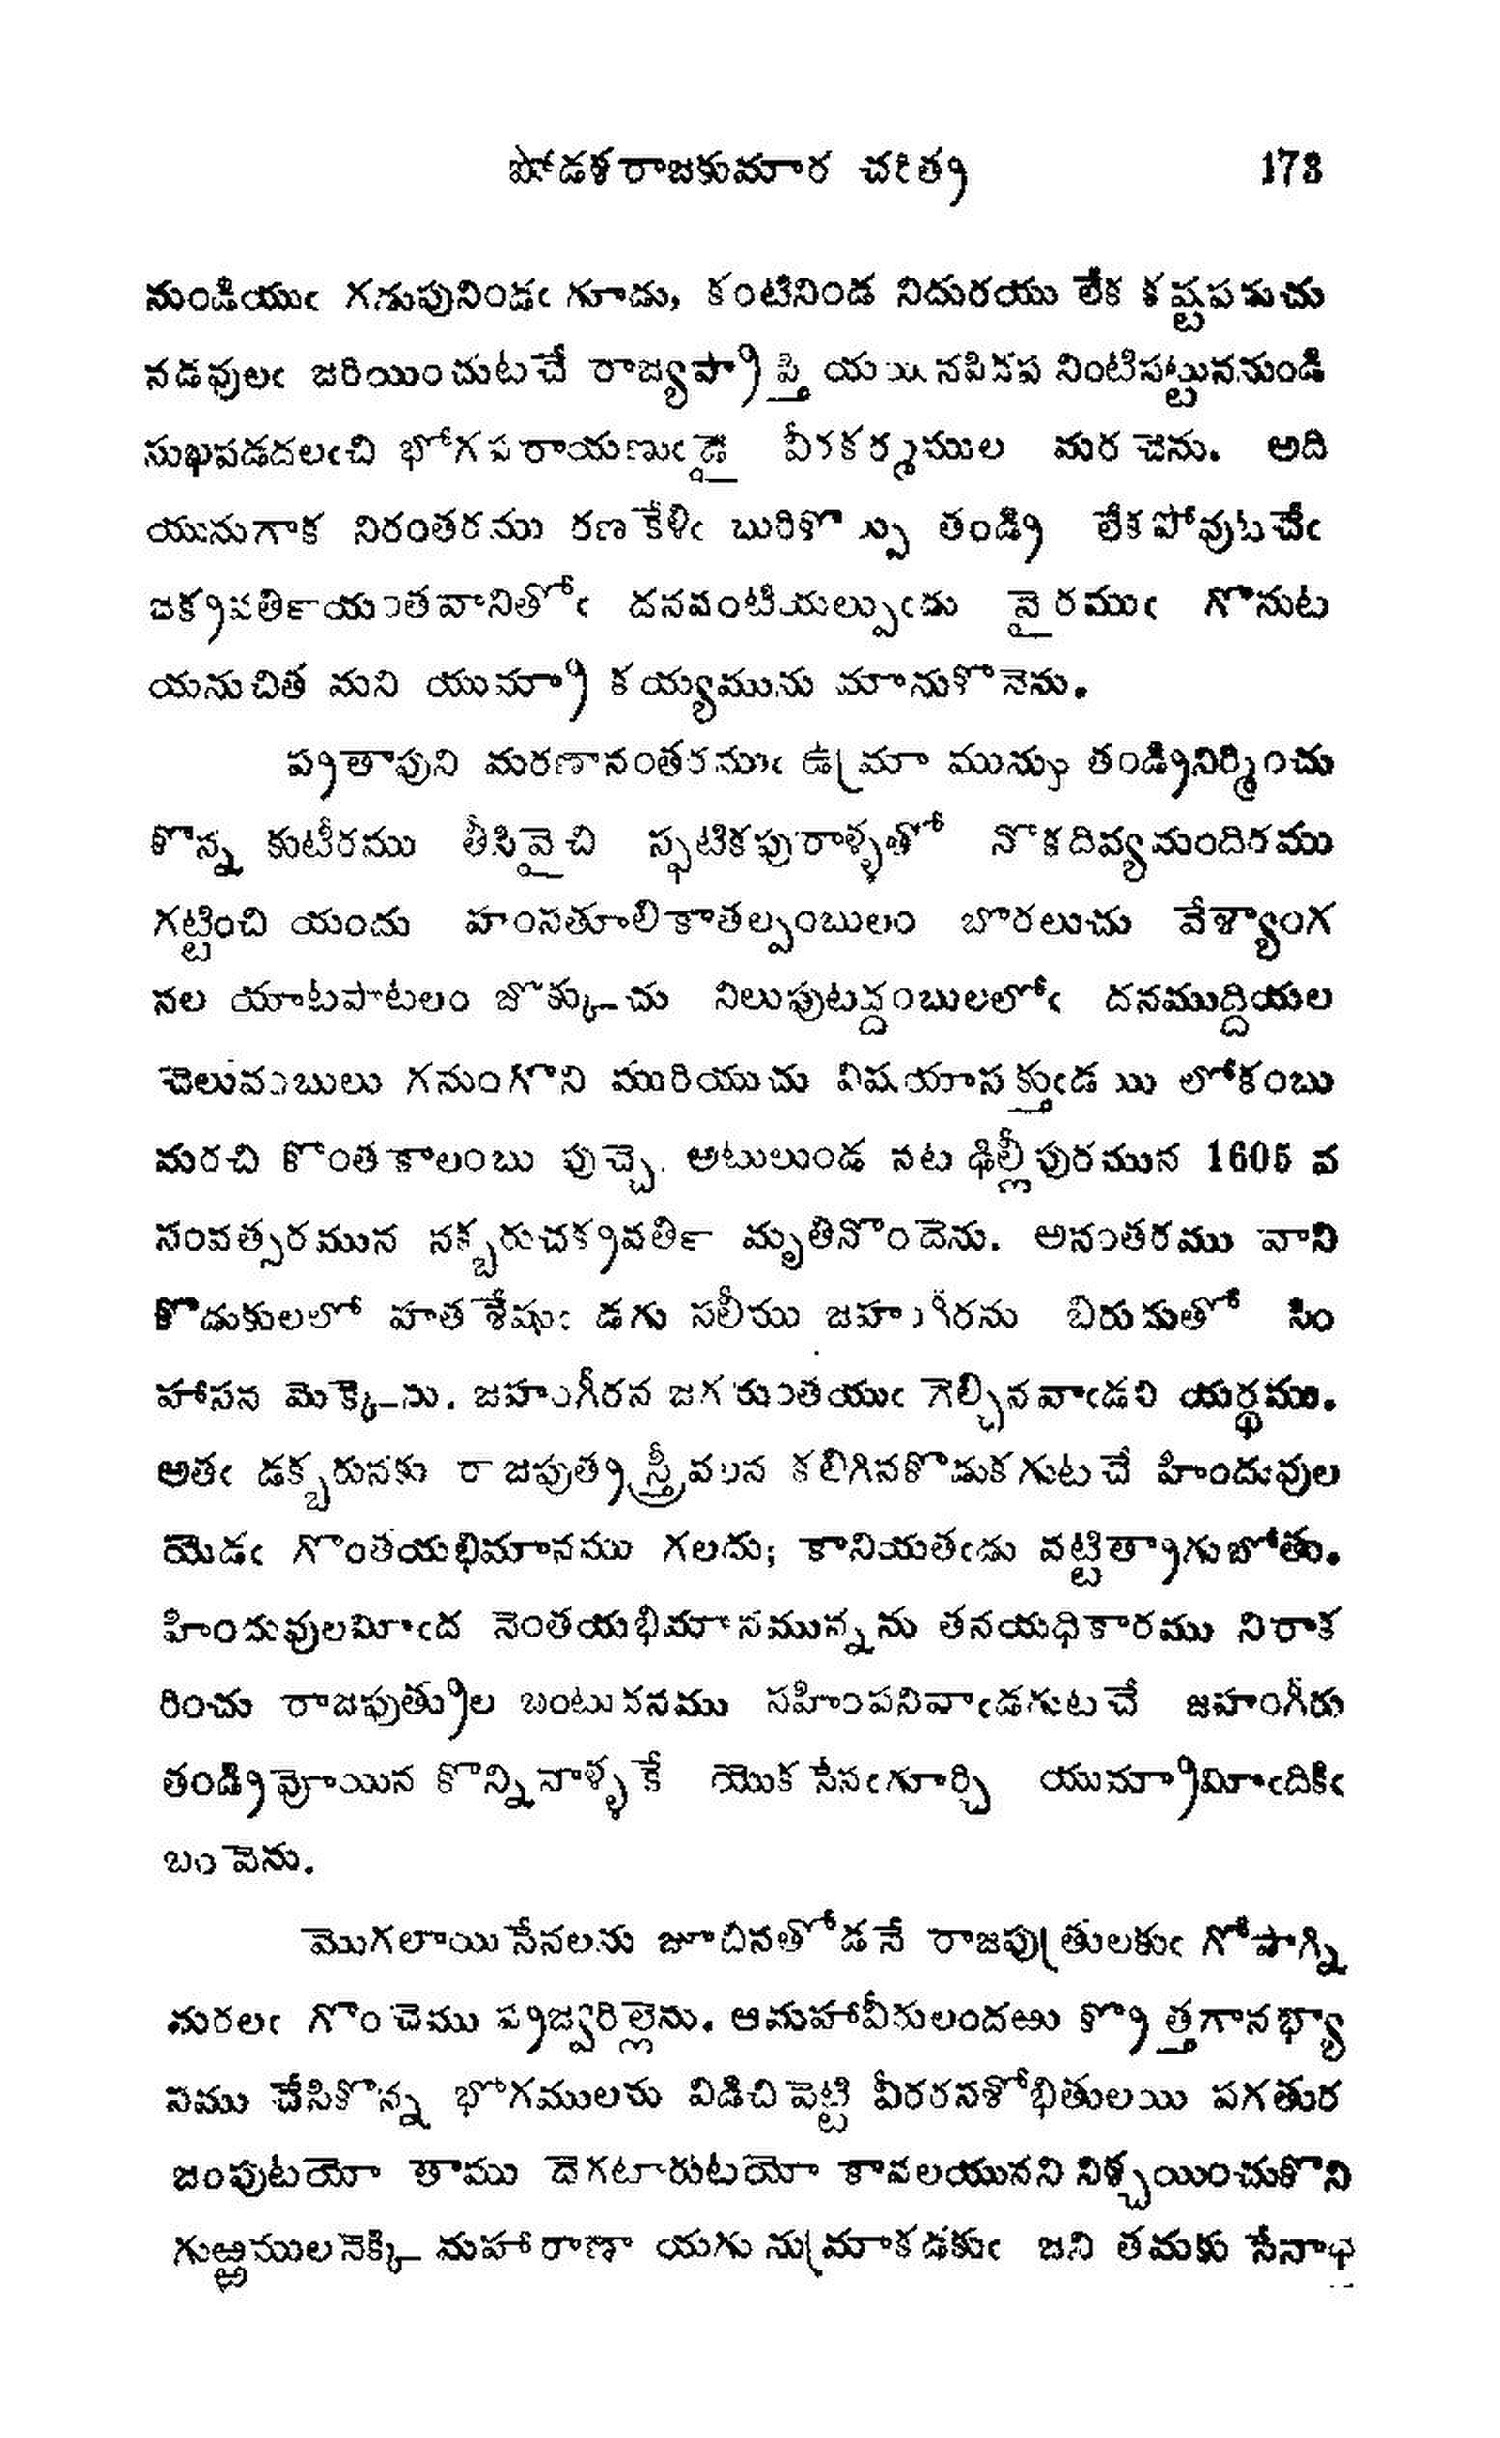నుండియుఁ గడుపునిండఁ గూడు, కంటినిండ నిదురయు లేక కష్టపడుచు నడవులఁ జరియించుటచే రాజ్యప్రాప్తి యయిన పిదప నింటి పట్టుననుండి సుఖపడదలఁచి భోగపరాయణుఁడై వీరకర్మముల మరచెను. అదియునుగాక నిరంతరము రణ కేళిఁ బురికోల్పు తండ్రి లేకపోవుటచేఁ జక్రవతి౯ యంత వానితోఁ దనవంటియల్పుఁడు వైరముఁ గొనుట యనుచిత మని యుమ్రా కయ్యమును మానుకొనెను.

ప్రతాపుని మరణానంతరముఁ ఉమ్రా మున్పు తండ్రి నిర్మించుకొన్న కుటీరము తీసి వైచి స్ఫటికపు రాళ్ళతో నొక దివ్యమందిరము
గట్టించి యందు హంసతూలికాతల్పంబులు బొరలుచు వేశ్యాంగనల యాటపాటలం జొక్కుచు నిలువుటద్దంబులలోఁ దనముద్దియల
చెలువంబులు గనుంగొని మురియుచు విషయాసక్తుఁడయి లోకంబు మరచి కొంత కాలంబు పుచ్చె. అటులుండ నట ఢిల్లీ పురమున 1605 వ
సంవత్సరమున నక్బరు చక్రవతి౯ మృతినొందెను. అనంతరము వాని కొడుకులలో హత శేషుఁ డగు సలీము జహంగీరను బిరుదుతో సింహాసన మెక్కెను. జహంగీరన జగమంతయుఁ గెల్చిన వాఁడని యర్థము. అతఁ డక్బరునకు రాజపుత్ర స్త్రీ వలన కలిగిన కొడుకగుటచే హిందువుల యెడఁ గొంతయభిమానము గలదు; కానియతఁడు వట్టి త్రాగుబోతు. హిందువులమీఁద నెంతయభిమానమున్నను తనయధికారము నిరాకరించు రాజపుత్రుల బంటుదనము సహింపనివాఁడగుటచే జహంగీరు తండ్రి పోయిన కొన్ని నాళ్ళకే యొక సేనఁగూర్చి యుమ్రామీఁదికి
బంపెను.

మొగలాయి నేనలను జూచినతోడనే రాజపుత్రులకుఁ గోపాగ్ని మరలఁ గొంచెము ప్రజ్వరిల్లెను. ఆ మహావీరులందఱు కొత్తగానభ్యాసము చేసికొన్న భోగములను విడిచి పెట్టి వీరరసశోభితులయి పగతుర జంపుటయో తాము దెగటారుటయో కావలయునని నిశ్చయించుకొని గుఱ్ఱముల నెక్కి మహారాణా యగు నుమ్రా కడకుఁ జని తమకు సేనాధి